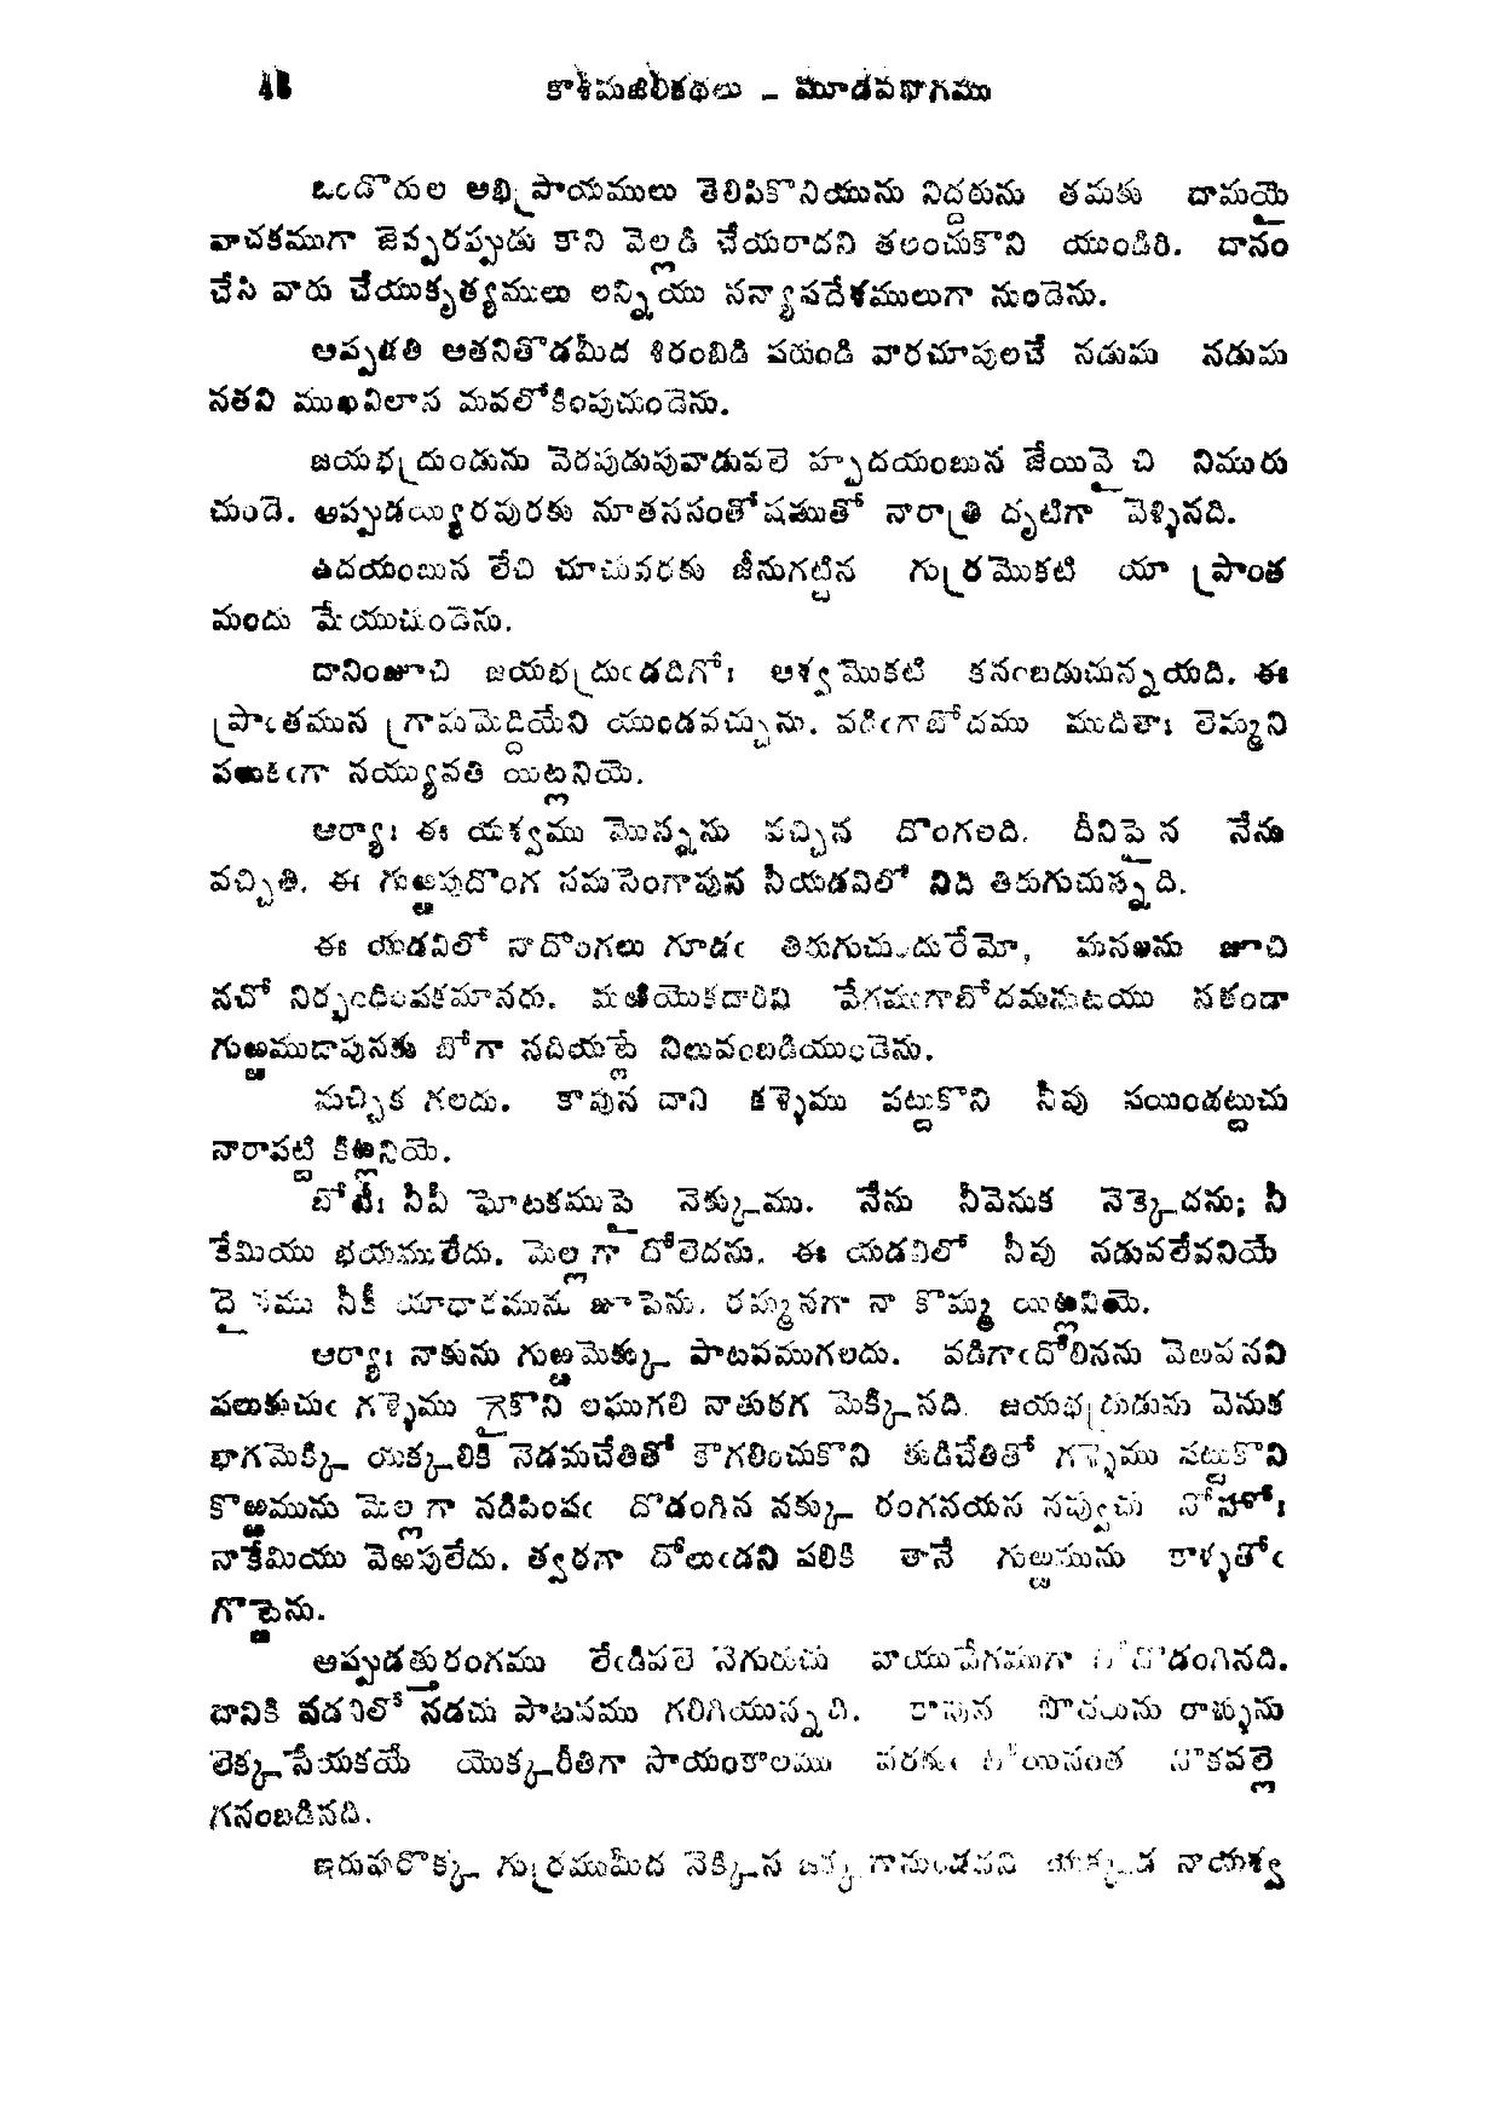ఒండొరుల అభిప్రాయములు తెలిసికొనియును నిద్దరును తమకు దామయై వాచకముగా జెప్పరప్పుడు కాని వెల్లడి చేయరాదని తలంచుకొని యుండిరి. దానం చేసి వారు చేయుకృత్యములు లన్నియు నన్యాపదేశములుగా నుండెను.

అప్పడతి అతనితొడమీద శిరంబిడి పరుండి వారచూపులచే నడుమ నడుమ నతని ముఖవిలాస మవలోకింపుచుండెను.

జయభద్రుండును వెరపుడుపువాడువలె హృదయంబున జేయివైచి నిమురుచుండె. అప్పు డయ్యిరవురకు నూతనసంతోషముతో నారాత్రి దృటిగా వెళ్ళినది.

ఉదయంబున లేచి చూచువరకు జీనుగట్టిన గుర్రమొకటి యా ప్రాంత మందు మేయుచుండెను.

దానింజూచి జయభద్రుఁ డదిగో! అశ్వమొకటి కనంబడుచున్నయది. ఈ ప్రాంతమున గ్రామమెద్దియేని యుండవచ్చును. వడిఁగాబోదము ముదితా! లెమ్మని పలుకఁగా నయ్యువతి యిట్లనియె.

ఆర్యా! ఈ యశ్వము మొన్నను వచ్చిన దొంగలది. దీనిపైన నేను వచ్చితి. ఈ గుఱ్ఱపుదొంగ సమసెం గావున నీయడవిలో నిది తిరుగుచున్నది.

ఈ యడవిలో నాదొంగలు గూడఁ తిరుగుచుందురేమో, మనలను జూచినచో నిర్భంధింపకమానరు. మఱియొకదారిని వేగముగాబోదమనుటయు నతండా గుఱ్ఱముదాపునకు బోగా నదియట్లే నిలువంబడియుండెను.

మచ్చిక గలదు. కావున దాని కళ్ళెము పట్టుకొని వీపుపయిం దట్టుచు నారాపట్టి కిట్లనియె.

బోటీ! నీవీ ఘోటకముపై నెక్కుము. నేను నీవెనుక నెక్కెదను; నీ కేమియు భయములేదు. మెల్లగా దోలెదను. ఈ యడవిలో నీవు నడువలేవనియే దైవము నీకీ యాధారమును జూపెను. రమ్మనగా నా కొమ్మ యిట్లనియె.

ఆర్యా! నాకును గుఱ్ఱమెక్కు పాటవముగలదు. వడిగాఁదోలినను వెఱవనని పలుకుచుఁ గళ్ళెము గైకొని లఘుగలి నాతురగ మెక్కినది. జయభద్రుడును వెనుక భాగమెక్కి యక్కలికి నెడమచేతితో కౌగలించుకొని కుడిచేతితో గళ్ళెము పట్టుకొని గుఱ్ఱమును మెల్లగా నడిపింపఁ దొడంగిన నక్కు రంగనయన నవ్వుచు నోహో! నాకేమియు వెఱుపులేదు. త్వరగా దోలుఁడని పలికి తానే గుఱ్ఱమును కాళ్ళతోఁ గొట్టెను.

అప్పు డత్తురంగము లేఁడివలె నెగురుచు వాయువేగముగా బోదొడంగినది. దానికి నడవిలో నడచు పాటవము గలిగియున్నది. కావున పొదలును రాళ్ళును లెక్క సేయకయే యొక్కరీతిగా సాయంకాలము వరకుఁ బోయినంత నొకపల్లె గనంబడినది.

ఇరువు రొక్కగుర్రముమీద నెక్కిన జక్కగానుండదని యక్కడ నాయశ్వ